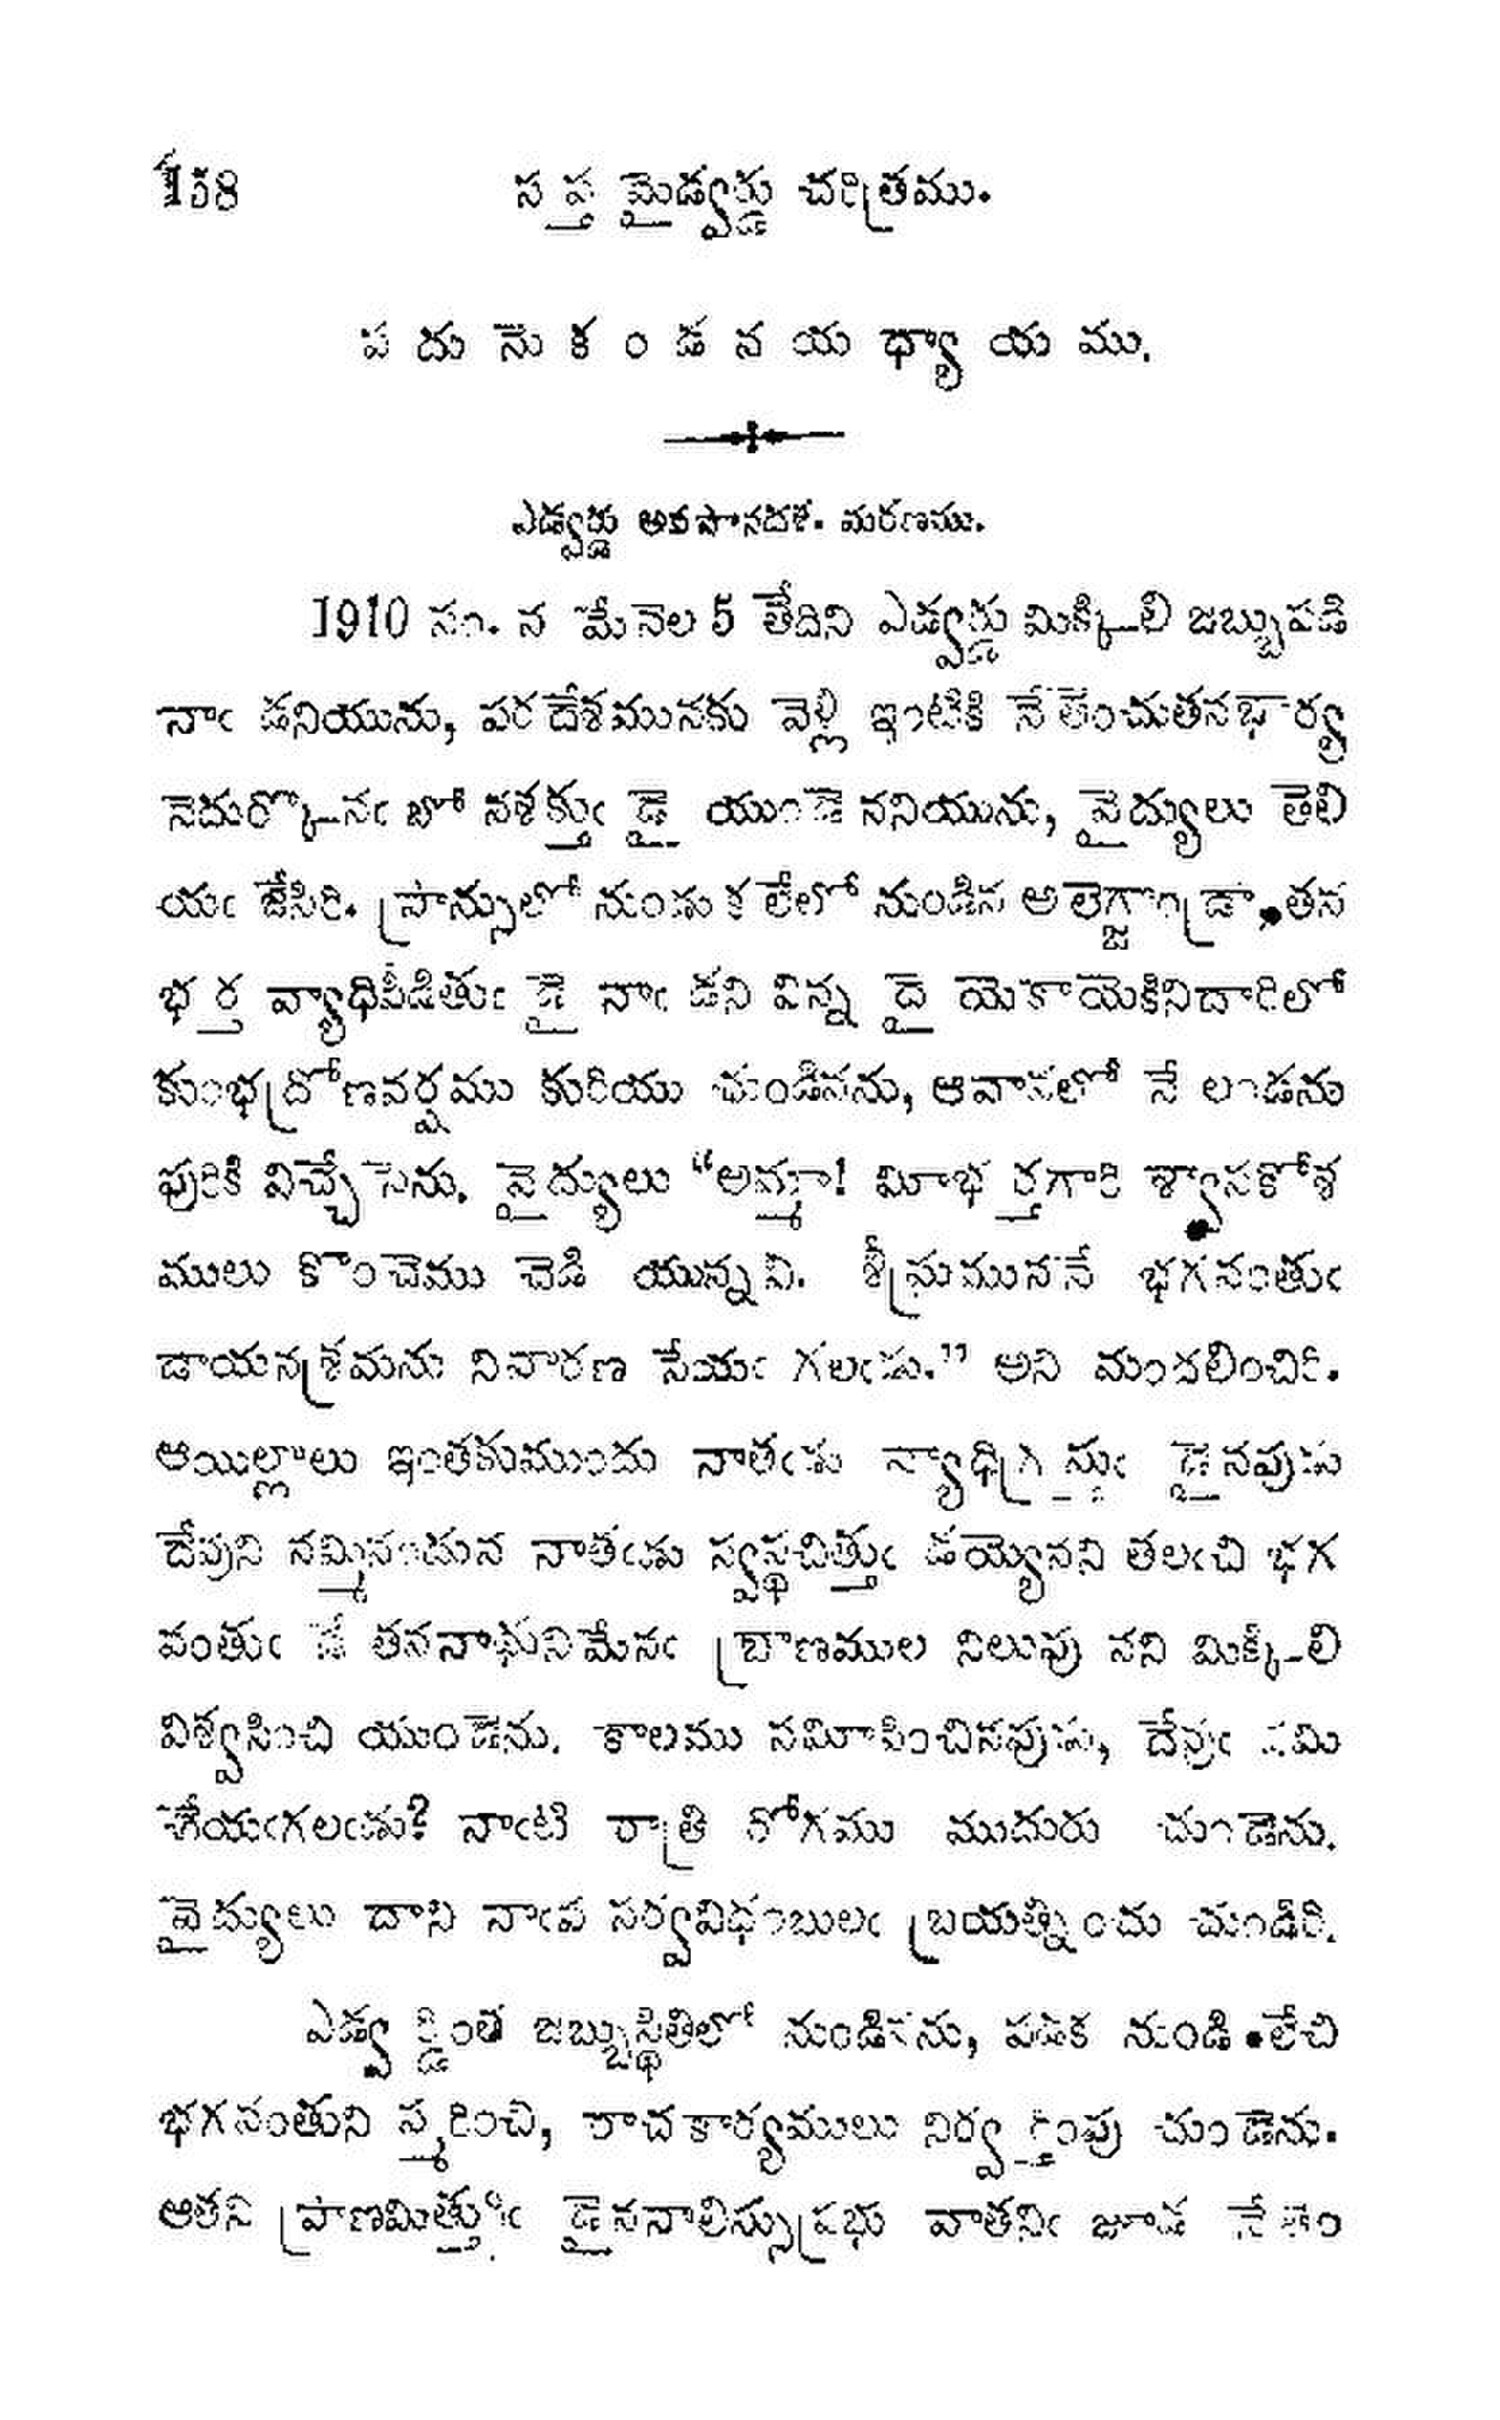.

1910 సం. న "మే నెల 5 తేదిని ఎడ్వర్డు మిక్కిలి జబ్బుపడి నాడనియును, పరదేశమునకు వెళ్లి ఇంటికి నేతెంచు తన భార్య నెదుర్కొనఁ బో నశక్తుఁ డై యుండెననియును, వైద్యులు తెలి యఁ జేసిరి. ఫ్రాన్సులో నుండు క లేలో నుండిన అలెగ్జాండ్రా, తన భర్త వ్యాధిపీడితుడై నాడని విన్నదై యెకాయెకిని దారిలో కుంభ ద్రోణవర్షము కురియు చుండినను, ఆవానలోనే లండను పురికి విచ్చేసెను, వైద్యులు “అమ్మా! మీభర్తగారి శ్వాసకో ములు కొంచెము చెడి యున్నవి . శీఘ్రముననే భగవంతుఁ డాయనశ్రమను నివారణ సేయగలడు.” అని మందలించిరి. అయిల్లాలు ఇంతకుముందు నాతఁడు వ్యాధిగ్రస్తుడైనపుడు దేవుని నమ్మినందున నాతఁడు స్వస్థచిత్తుఁ డయ్యెనని తలఁచి 'భగ వంతుడే" తన నాథుని మేన బ్రాణముల నిలుపు సని మిక్కిలి విశ్వసించి యుండెను. కాలము సమీపించి నప్పుడు, దేవుడేమి చేయఁగలఁడు? నాటి రాత్రి రోగము ముదురు చుండెను, వైద్యులు దాని నాప సర్వవిధంబులఁ బ్రయత్నించు చుండిరి.

ఎడ్వ ర్డింత జబ్బు స్థితిలో నుండిను, పడక నుండి లేచి భగ వంతుని స్మరించి, రాచ కార్యములు నిర్వర్తింపు చుండెను. అతని ప్రాణమిత్తుఁ డైన నాలిస్సుప్రభు వాతనిఁ జూడ నేతెం